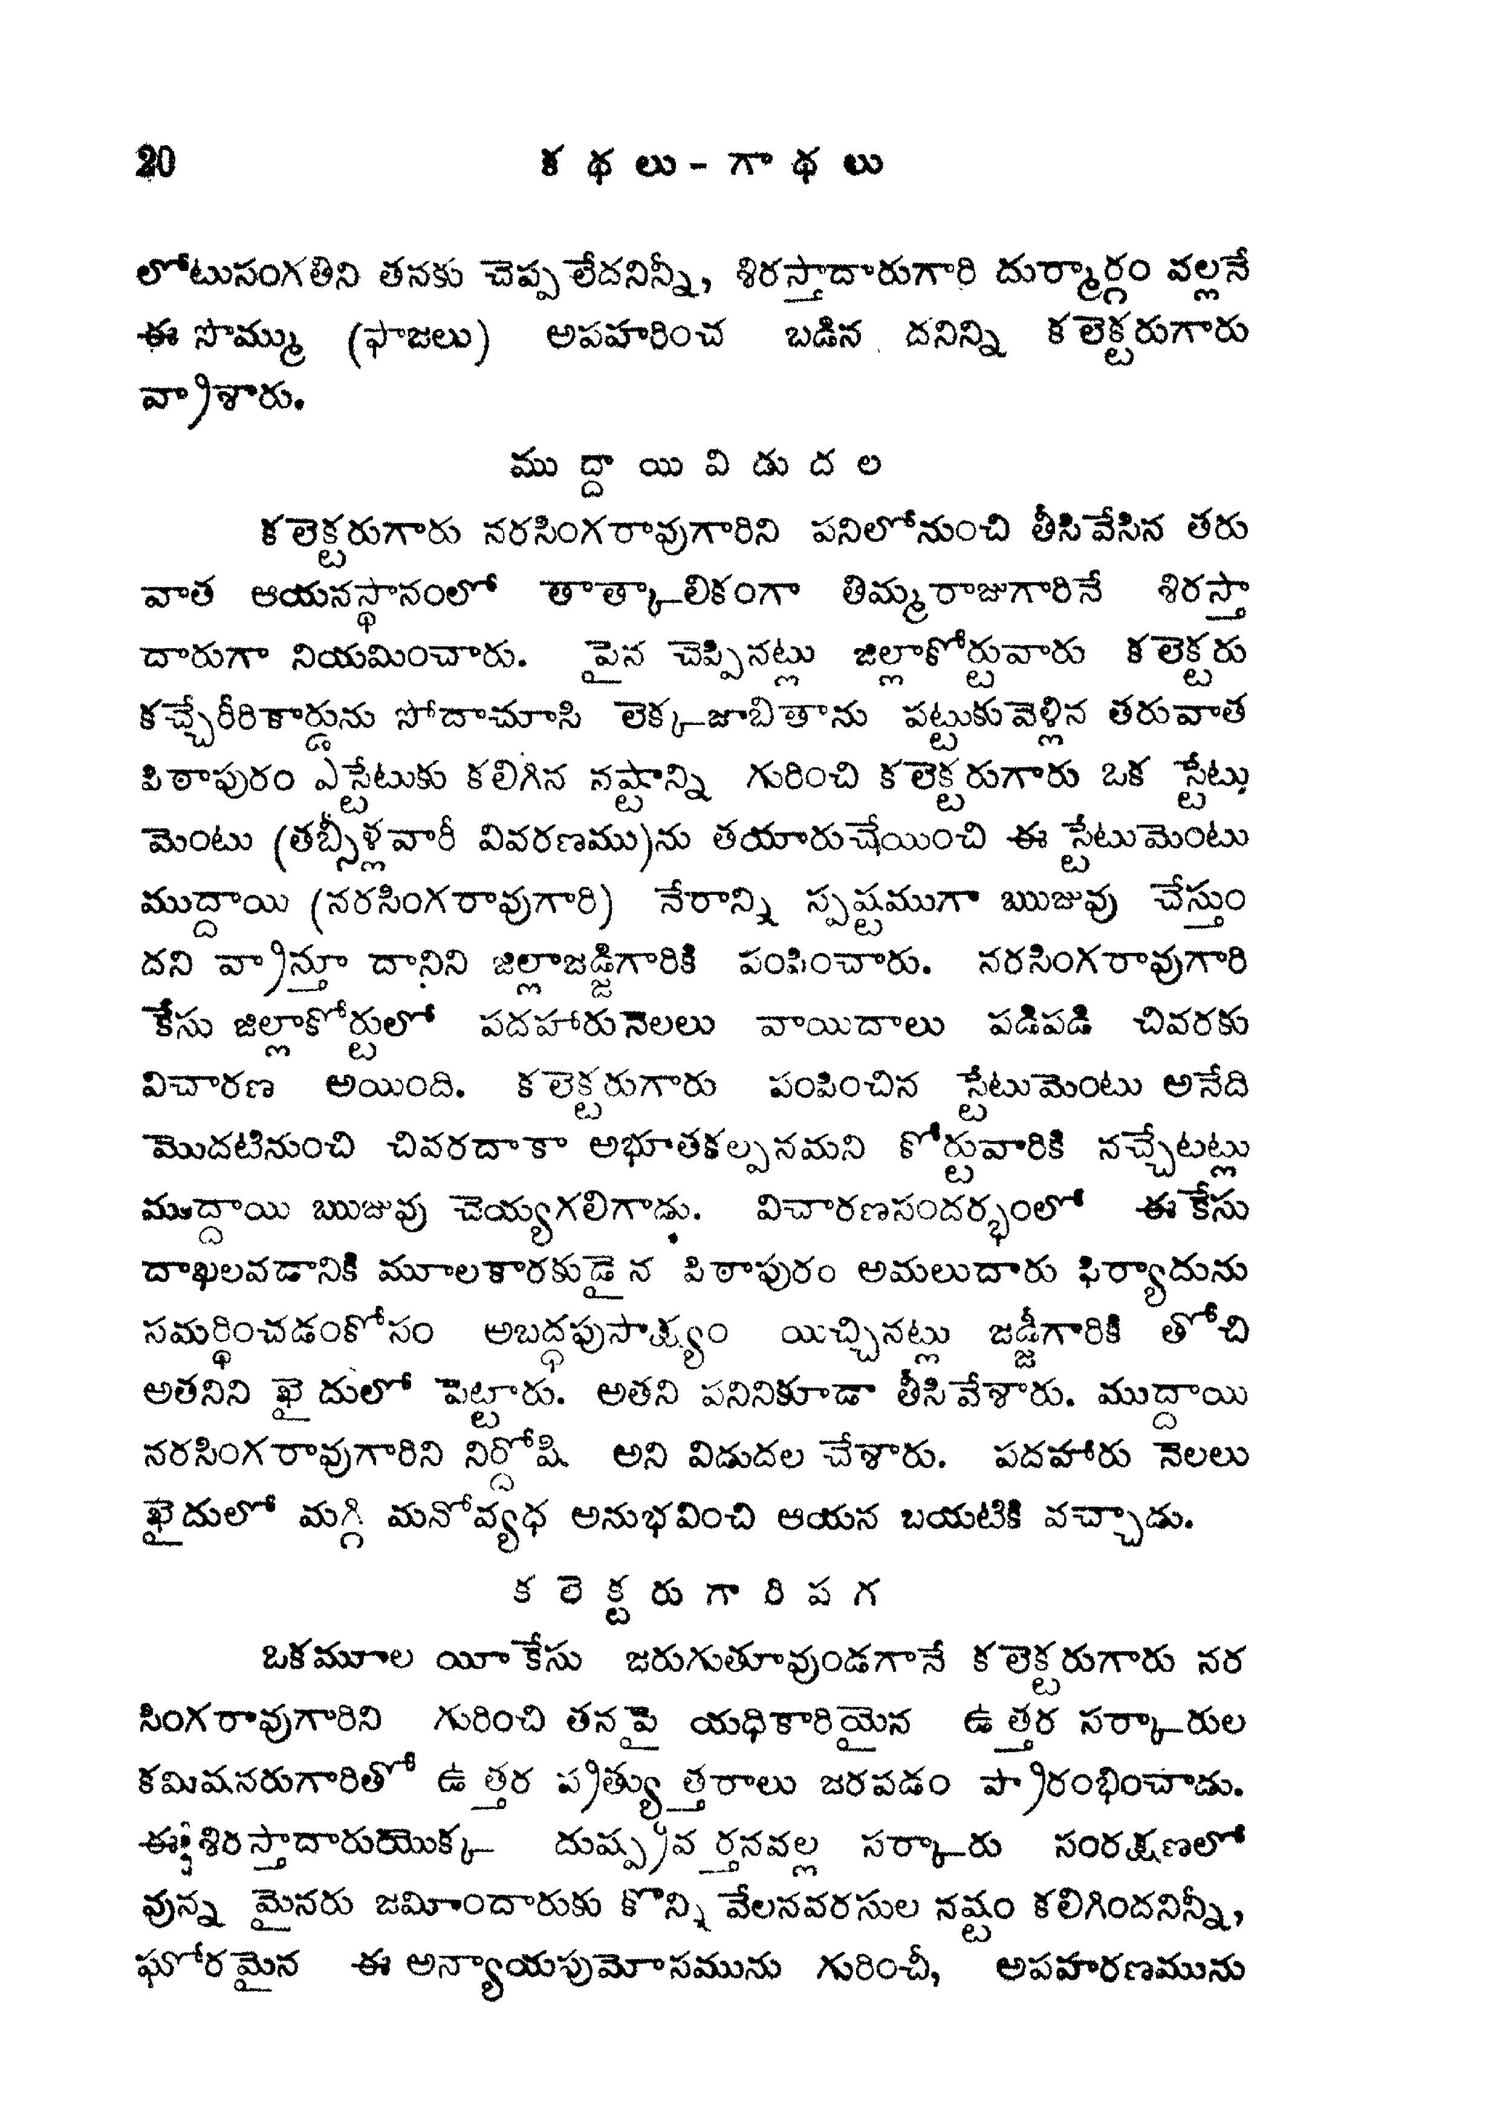లోటుసంగతి తనకు చెప్పలేదనిన్నీ, శిరస్తాదారుగారి దుర్మార్గం వల్లనే ఈ సొమ్ము (ఫాజలు) అపహరించ బడిన దనిన్ని కలెక్టరుగారు వ్రాశారు.
 

కలెక్టరుగారు నరసింగరావుగారిని పనినుంచి తీసివేసిన తరువాత ఆయన స్థానంలో తాత్కాలికంగా తిమ్మరాజుగారినే శిరస్తాదారుగా నియమించారు. పైన చెప్పినట్లు జిల్లాకోర్టువారు కలెక్టరు కచ్చేరీరికార్డును సోదాచూసి లెక్కజాబితాను పట్టుకువెళ్లిన తరువాత పిఠాపురం ఎస్టేటుకు కలిగిన నష్టాన్ని గురించి కలెక్టరుగారు ఒక స్టేటుమెంటు (తబ్సీళ్లవారీ వివరణము)ను తయారుచేయించి ఈస్టేటుమెంటు ముద్దాయి (నరిసింగరావుగారి) నేరాన్ని స్పష్టముగా ఋజువు చేస్తుందని వ్రాస్తూ దానిని జిల్లాజడ్జిగారికి పంపించారు. నరసింగరావుగారి కేసు జిల్లాకోర్టులో పదహారునెలలు వాయిదాలు పడిపడి చివరకు విచారణ అయింది. కలెక్టరుగారు పంపించిన స్టేటుమెంటు అనేది మొదటినుంచి చివరదాకా అభూతకల్పనమని కోర్టువారికి నచ్చేటట్లు ముద్దాయి ఋజువు చెయ్యగలిగాడు. విచారణసందర్భంలో ఈకేసు దాఖలవడానికి మూలకారకుడైన పిఠాపురం అమలుదారు ఫిర్యాదును సమర్ధించడంకోసం అబద్ధపుసాక్ష్యం యిచ్చినట్లు జడ్జీగారికి తోచి అతనిని ఖైదులో పెట్టారు. అతని పనినికూడా తీసివేశారు. ముద్దాయి నరసింగరావుగారిని నిర్దోషి అని విడుదల చేశారు. పదహారు నెలలు ఖైదులో మగ్గిమనోవ్యధ అనుభవించి ఆయన బయటికి వచ్చాడు.
 

ఒకమూల యీకేసు జరుగుతూవుందగానే కలెక్టరుగారు నరసింగరావుగారిని గురించి తనపై యధికారియైన ఉత్తర సర్కారుల కమిషనరుగారితో ఉత్తర ప్రత్యుత్త రాలు జరపడం ప్రారంభించారు. ఈశిరస్తాదారుయొక్క దుష్ప్రవర్తనవల్ల సర్కారు సంరక్షణలో వున్న మైనరు జమీందారుకు కొన్ని వేలసవరసుల నష్టం కలిగిందనిన్నీ, ఘోరమైన ఈ అన్యాయపుమోసమును గురించీ, అపహరణమును